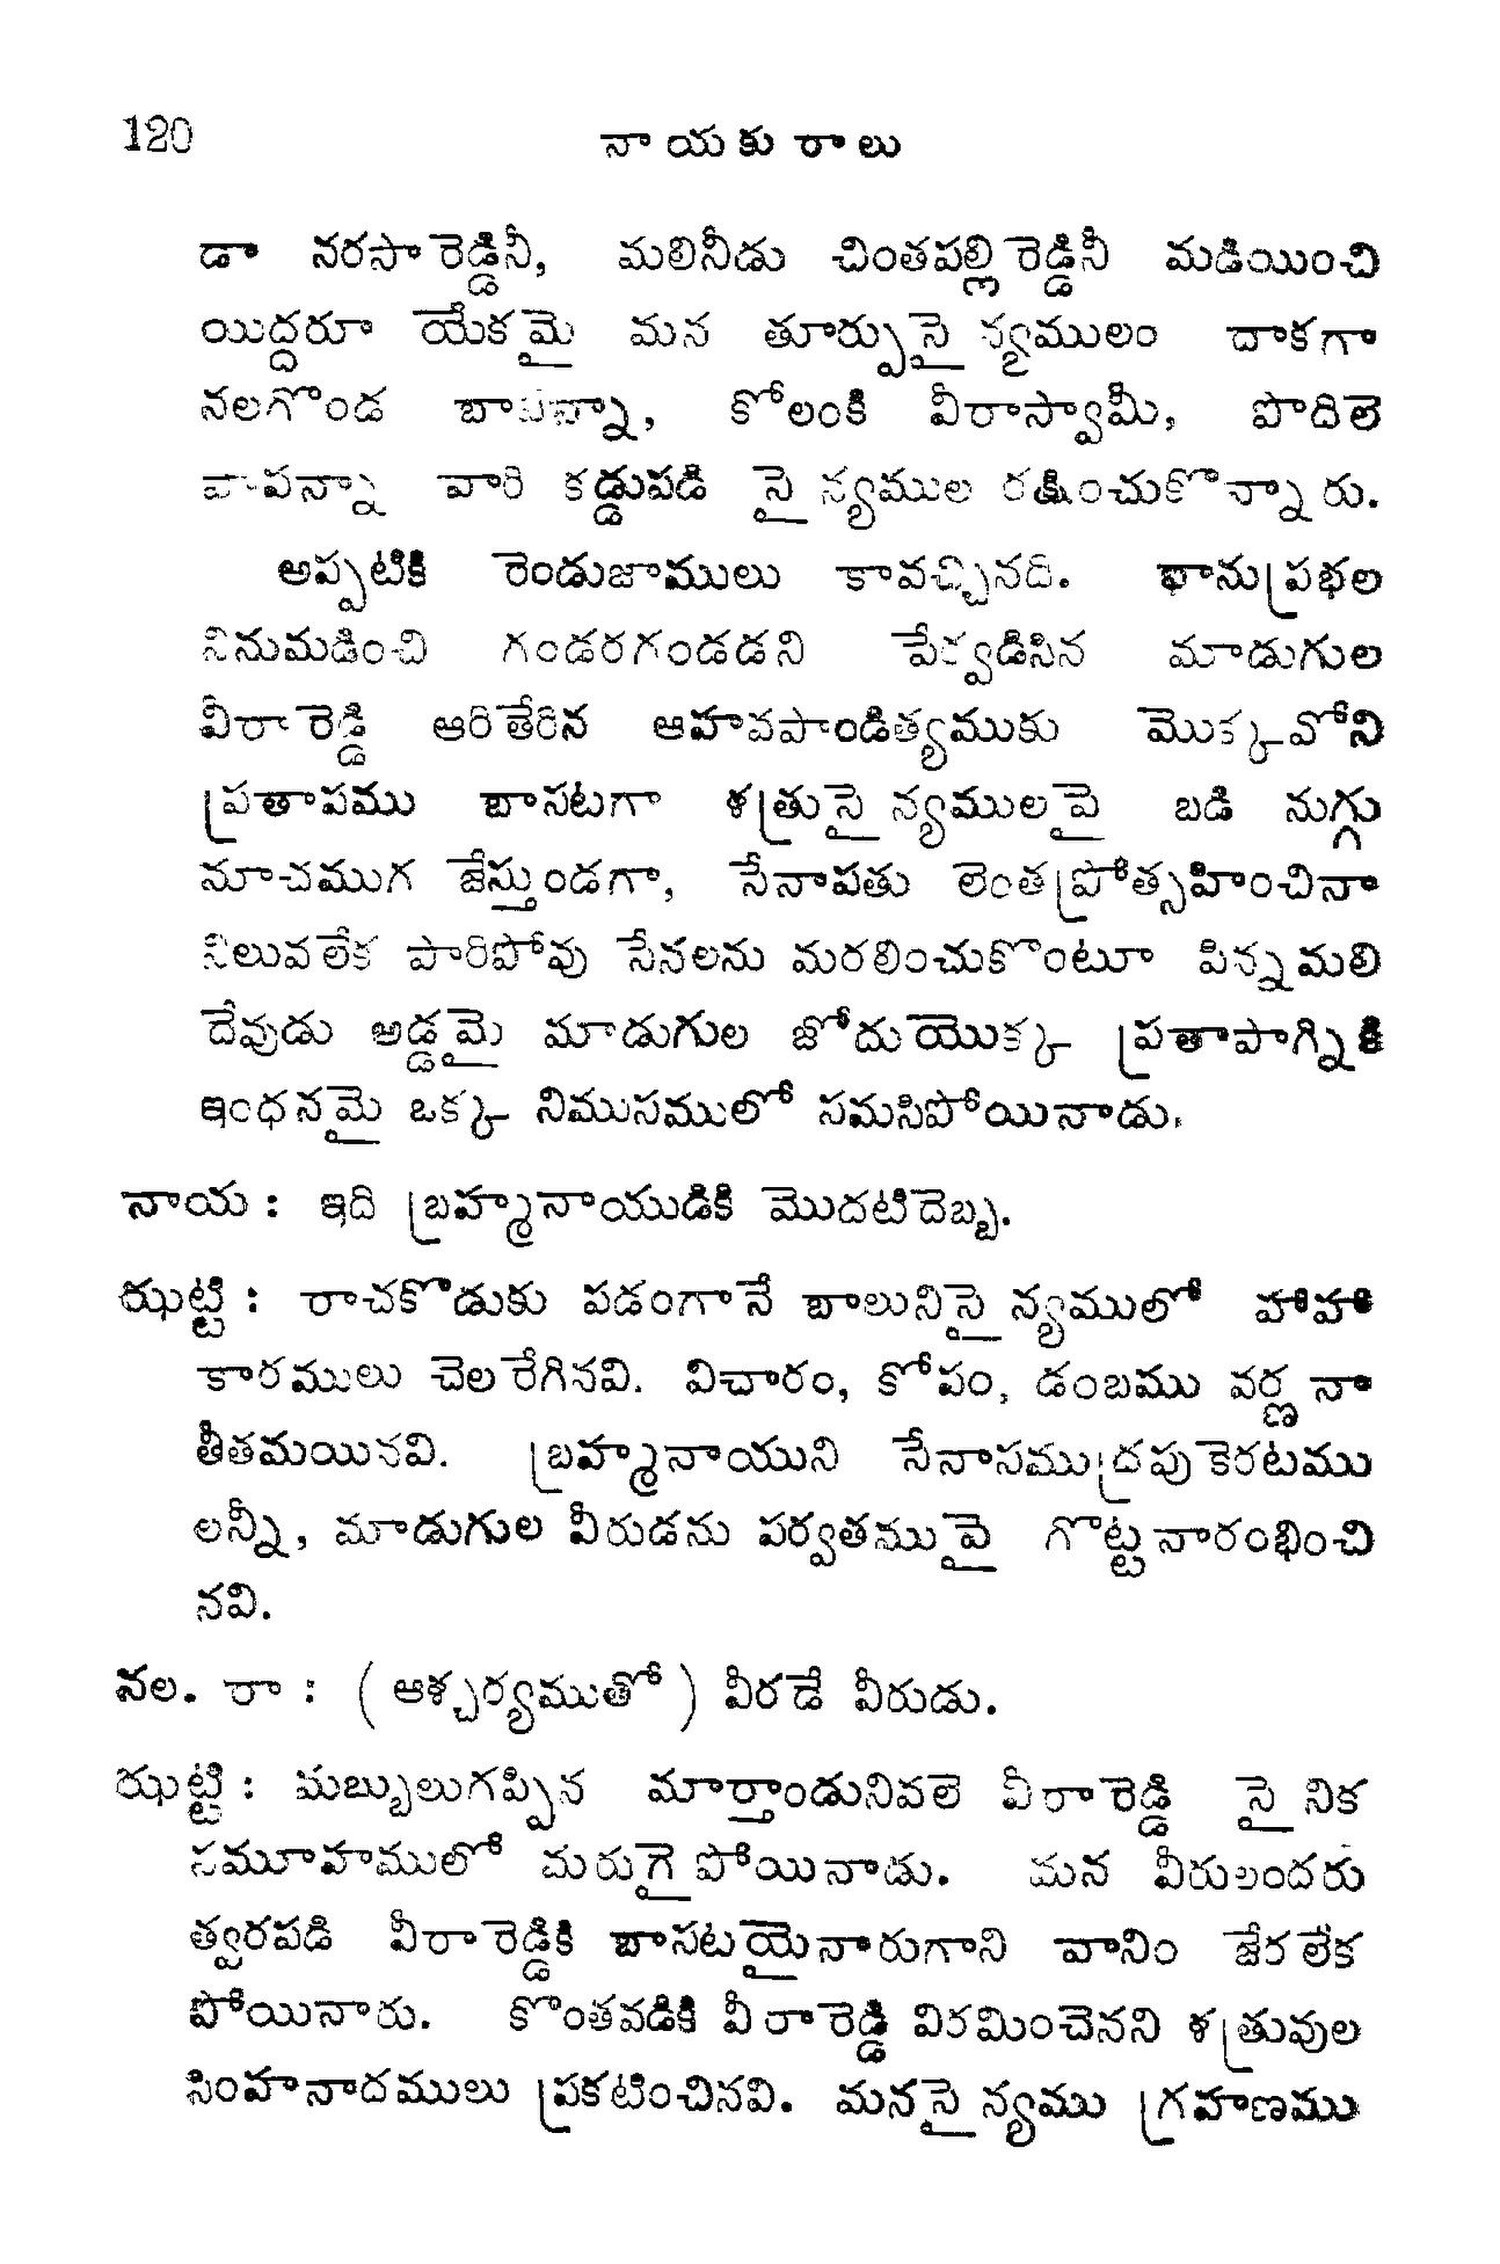డా నరసారెడ్డినీ, మలినీడు చింతపల్లిరెడ్డినీ మడియించి యిద్దరూ యేకమై మన తూర్పుసైన్యములం దాకగా నలగొండ బాపన్నా, కోలంకి వీరాస్వామీ, పొదిలె బాపన్నా వారి కడ్డుపడి సైన్యముల రక్షించుకొన్నారు.

అప్పటికి రెండుజాములు కావచ్చినది. భానుప్రభల నినుమడించి గండరగండడని పేర్వడిసిన మాడుగుల వీరారెడ్డి ఆరితేరిన ఆహవపాండిత్యముకు మొక్కవోని ప్రతాపము బాసటగా శత్రుసైన్యములపై బడి నుగ్గు నూచముగ జేస్తుండగా, సేనాపతు లెంతప్రోత్సహించినా నిలువలేక పారిపోవు సేనలను మరలించుకొంటూ పిన్నమలిదేవుడు అడ్డమై మాడుగుల జోదుయొక్క ప్రతాపాగ్నికి ఇంధనమై ఒక్క నిముసములో సమసిపోయినాడు.

నాయ : ఇది బ్రహ్మనాయుడికి మొదటిదెబ్బ.

ఝుట్టి : రాచకొడుకు పడంగానే బాలునిసైన్యములో హాహా కారములు చెలరేగినవి. విచారం,
కోపం, డంబము వర్ణనాతీతమయినవి. బ్రహ్మనాయుని సేనాసముద్రపు కెరటములన్నీ, మాడుగుల వీరుడను పర్వతముపై గొట్టనారంభించినవి.

నల. రా : ( ఆశ్చర్యముతో ) వీరడే వీరుడు.

ఝట్టి : మబ్బులుగప్పిన మార్తాండునివలె వీరారెడ్డి సైనిక సమూహములో మరుగైపోయినాడు. మన వీరులందరు త్వరపడి వీరారెడ్డికి బాసటయైనారుగాని వానిం జేరలేక పోయినారు. కొంతవడికి వీరారెడ్డి విరమించెనని శత్రువుల సింహనాదములు ప్రకటించినవి. మనసైన్యము గ్రహణము